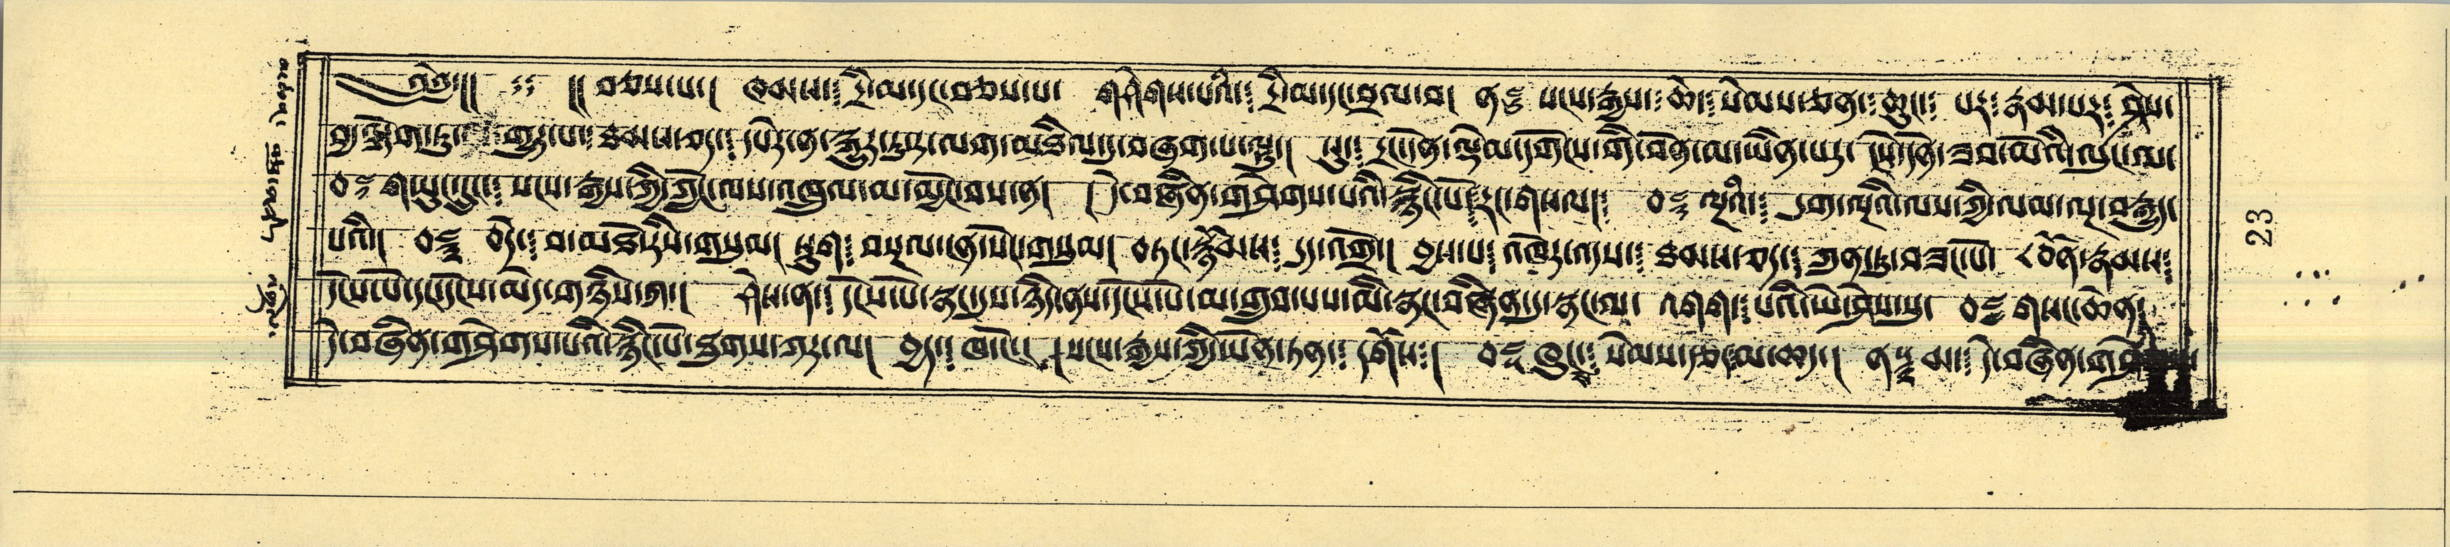བཅས་པ། ཁམས༑ དྲི་མ་དང་བཅས་པ། གཤེགས་པའི༑ དྲི་མ་དང་བྲལ་བ། ན༤།༦ སངས་རྒྱས༑ ཆེད༑ སེམས་ཅན༑ ཆུང་༑ པར་རྣམ་པར༑ ཤེས་
བྱ་ལྐོག་ཏུ་གྱུར་པ་ཐམས་ཅད། དཔེར་ན་ཀྱུ་རུ་ར་ལག་མཐིལ་དུ་བཞག་པ་ལྟ་བུ། སུ༑ དྲང་དོན་ལྡེམ་དགོངས་གི་བོན་མ་ཡིན་པར་ངེས་ དོན་ཟབ་མོའི་ལུང་ལ། 
བ༤།༡ གཡུང་དྲུང་སངས་རྒྱས་ཀྱི་ཀློང་ལས་འཁྲུལ་མ་མྱོང་བས་ན། དེ་བཞིན་གཤེགས་པའི་སྙིང་པོ་རང་གསལ། བ༤།༢ ལྔའི༑ དུག་ལྔའི་ལས་ཀྱིས་ལམ་ལྔ་བརྒྱུད་
པའི། བ༤།༣ བདེ་བ་མཐོ་རིས་གསུམ། སྡུག༑ བསྔལ་ངན་སོང་གསུམ། བཏང་སྙོམས༑ དུད་འགྲོ༑ བྱས་པ༑ འཁོར་འདས༑ ཐམས་ཅད༑ ཀུན་ཏུ་བཟང་པོ༑ བོན་རྣམས་
དངོས་པོ་དང་དངོས་མེད་གཉིས་ཀ ཤེས་ན་དངོས་པོ་སྣང་དུས་ཉིད་ནས་དངོས་པོ་མ་གྲུབ་པས་མི་སྣང་བཞིན་དུ་སྣང་ལ། འགག་པ༑ པའི་ཡེ་ཤེས་སུ་བ༤།༤ གསང་ཆེན་
དེ་བཞིན་གཤེགས་པའི་སྙིང་པོ་ཐུགས་ཀར་ལ། བྱད་ཁ་ངོ་། སངས་རྒྱས་ཀྱི་ཡོན་ཏན། དགོས༑ བ༤།༥ ཁུངས་སེམས་རྩད་མ་ཆད། ན༥།༣ མ༑ དེ་བཞིན་གཤེགས་